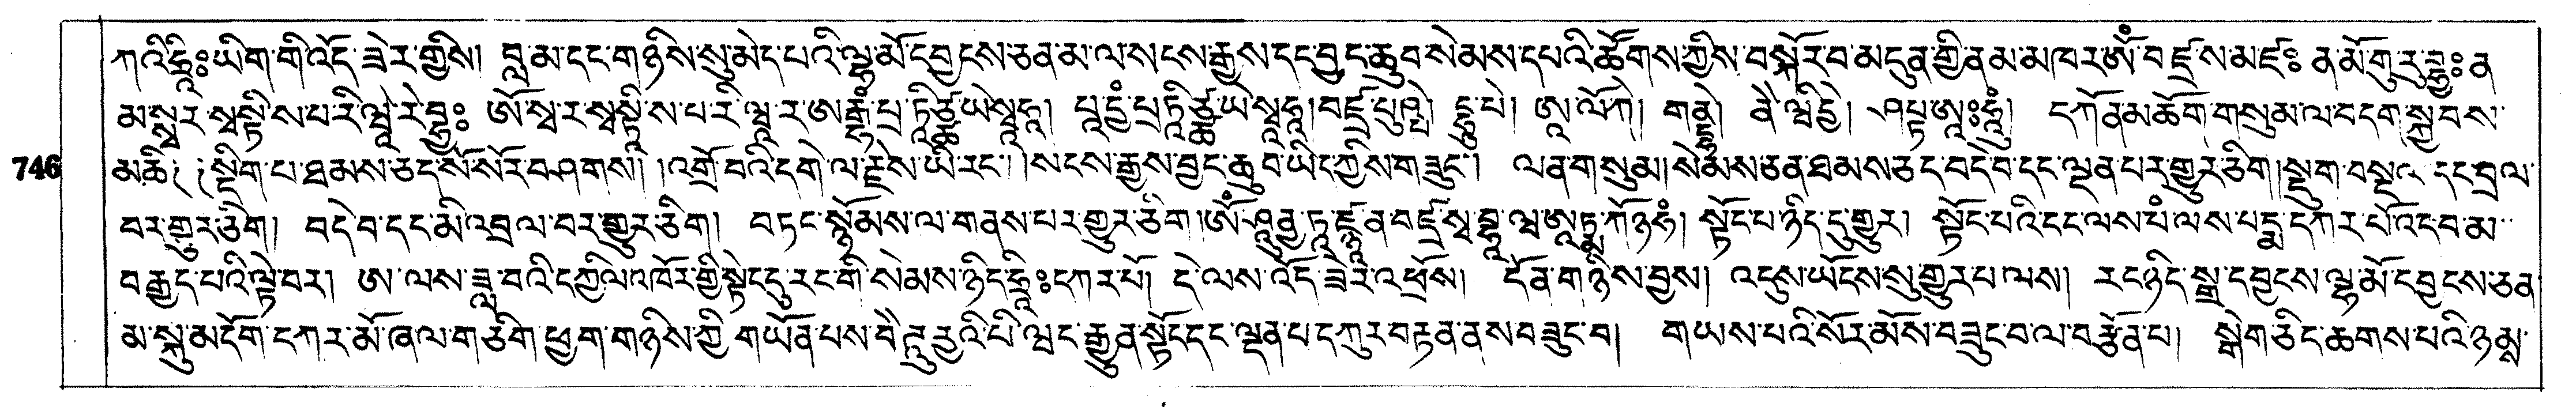ཀའི་ཧྲཱིཿ ཡིག་གི་འོད་ཟེར་གྱིས། བླ་མ་དང་གཉིས་སུ་མེད་པའི་ལྷ་མོ་དབྱངས་ཅན་མ་ལ་སངས་རྒྱས་དང་བྱང་ཆུབ་སེམས་དཔའི་ཚོགས་ཀྱིས་སྐོར་བ་མདུན་གྱི་ནམ་མཁར་ཨོཾ་བཛྲ་ས་མ་ཛཿ ན་མོ་གུ་རུ་བྷྱཿ ན་
མ་སྶྭར་སྭ་སྟི་ས་པ་རི་ཝཱ་རེ་བྷྱཿ ཨོཾ་སྭ་ར་སྭ་སྟི་ས་པ་རི་ཝཱ་ར་ཨརྒྷཾ་པྲ་ཏཱི་ཙྪ་ཡེ་སྭཱ་ཧཱ། པཱ་དྱཾ་པྲཏཱི་ཙྪ་ཡེ་སྭཱཧཱ། བཛྲ་པུཥE། དྷཱུ་པེ། ཨཱ་ལོ་ཀེ། གནྡྷེ། ནཻ་ཝི་དྱེ། ཤཔྟ་ཨཱཿ ཧཱུཾ། དཀོན་མཆོག་གསུམ་ལ་བདག་སྐྱབས་
མཆི༑ ༑སྐིག་པ་ཐམས་ཅད་སོ་སོར་བཤགས། །འགྲོ་བའི་དགེ་ལ་རྗེས་ཡེ་རང་། །སངས་རྒྱས་བྱང་ཆུབ་ཡིད་ཀྱིས་གཟུང་། ལན་གསུམ། སེམས་ཅན་ཐམས་ཅད་བདེ་བ་དང་ལྡན་པར་གྱུར་ཅིག །སྡུག་བསྔལ་དང་བྲལ་
བར་གྱུར་ཅིག །བདེ་བ་དང་མི་འབྲལ་བར་གྱུར་ཅིག །བཏང་སྙོམས་ལ་གནས་པར་གྱུར་ཅིག །ཨོཾ་ཤཱུནྱ་ཏཱ་ཛྙཱ་ན་བཛྲ་སྭ་བྷཱ་ཝ་ཨཱ་ཏྨ་ཀོ་ཉ་ཧཾ། སྟོང་པ་ཉིད་དུ་གྱུར། སྟོང་པའི་ངང་ལས་པཾ་ལས་པདམ་དཀར་པོ་འདབ་མ་
བརྒྱད་པའི་ལྟེ་བར། ཨ་ལས་ཟླ་བའི་དཀྱིལ་འཁོར་གྱི་སྟེང་དུ་རང་གི་སེམས་ཉིད་ཧྲཱིཿ དཀར་པོ། དེ་ལས་འོད་ཟེར་འཕྲོས། དོན་གཉིས་བྱས། འདུས་ཡོངས་སུ་གྱུར་པ་ལས། རང་ཉིད་སྒྲ་དབྱངས་ལྷ་མོ་དབྱངས་ཅན་
མ་སྐུ་མདོག་དཀར་མོ་ཞལ་གཅིག་ཕྱག་གཉིས་ཀྱི་གཡོན་པས་བཻཌཱུརྱའི་པི་ཝང་རྒྱུན་སྟོང་དང་ལྡན་པ་དཀུར་བརྟན་ནས་བཟུང་བ། གཡས་པའི་སོར་མོས་བཟུང་བ་ལས་བརྩོན་པ། སྒེག་ཅིང་ཆགས་པའི་ཉམས་